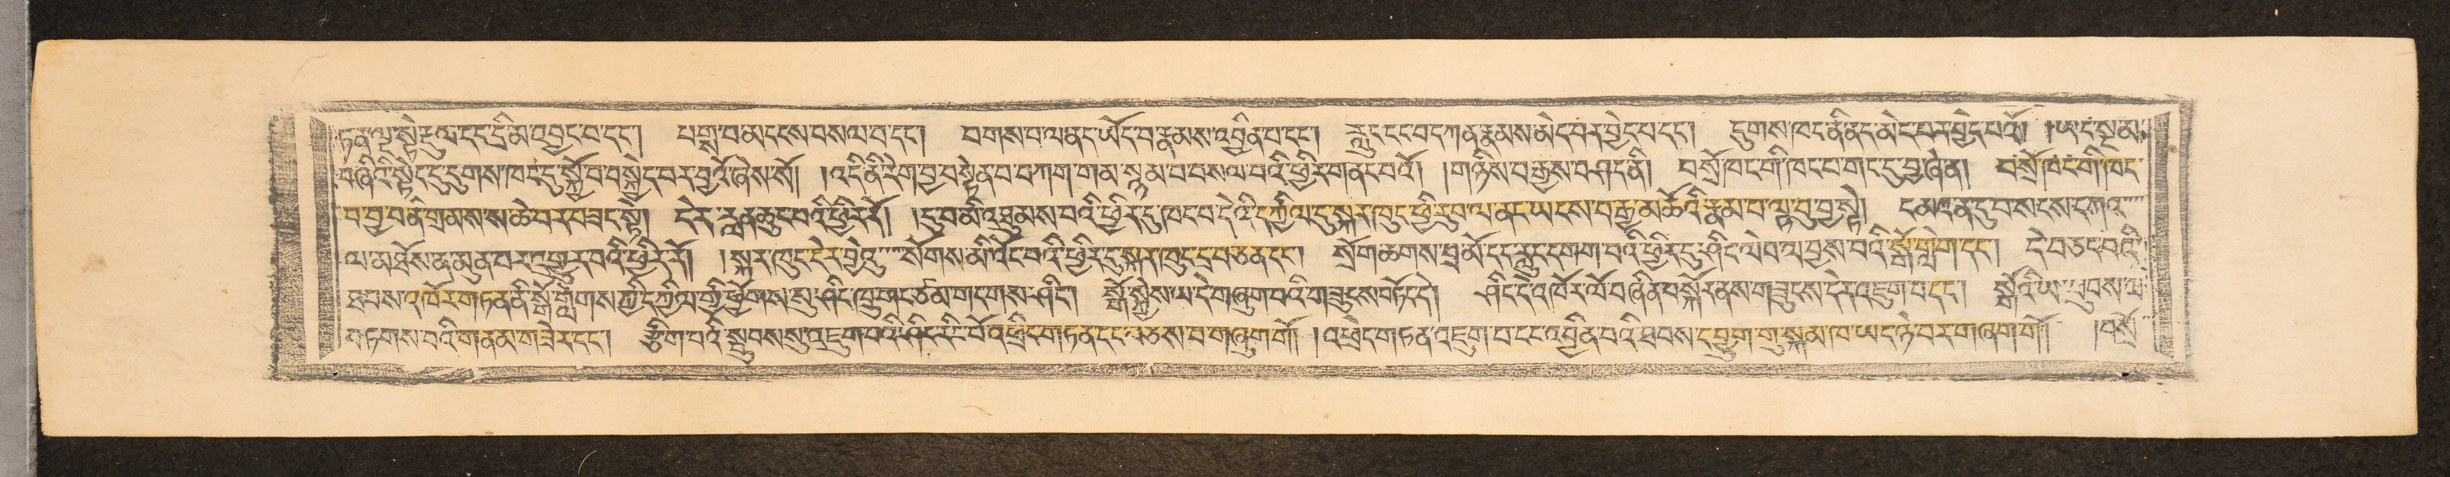ཏན་ལྔ་སྟེ་རྡུལ་དང་དྲི་མ་འབྱང་བ་དང་། པགས་པ་མདངས་བསལ་བ་དང་། པགས་པ་ལ་ནད་ཡོད་པ་རྣམས་འབྱིན་པ་དང་། རླུང་དང་པད་ཀན་རྣམས་མེད་པར་བྱེད་པ་དང་། དུགས་ཁང་ནི་ནང་མེད་པར་བྱེད་པའོ། །ཡང་སྔ་མ་
བཞིའི་སྟེང་དུ་དུགས་ཁང་དུ་སྐྱོ་བ་བསྐྱེད་པར་བྱའོ་ཞེས་སོ། །འདི་ནི་རེག་བྱ་བསྟེན་པ་བཀག་གམ་སྙམ་པ་བསལ་བའི་ཕྱིར་གནང་པའོ། །གཉིས་པ་རྒྱས་བཤད་ནི། བསྲོ་ཁང་གི་ཁང་པ་གང་དུ་བྱ་ཞེ་ན། བསྲོ་ཁང་གི་ཁང་
པ་བྱ་བ་ནི་གྲམས་ས་ཆེ་བར་བཟང་སྟེ། དེར་རླན་ཆུང་བའི་ཕྱིར་རོ། །དུ་བ་མི་འཐུམས་པའི་ཕྱིར་དུ་ཁང་པ་དེའི་དཀྱིལ་དུ་སྐར་ཁུང་ཕྱི་རུབ་ལ་ནང་ཡངས་པ་རྒྱ་མཚོའི་རྣམ་པ་ལྟ་བུ་བྱ་སྟེ། དམའ་ན་དུ་བ་སངས་དཀའ་
ལ་མཐོས་ན་མུན་པར་འགྱུར་པའི་ཕྱིར་རོ། །སྐར་ཁུང་དེར་བྱེའུ་སོགས་མི་འོང་བའི་ཕྱིར་དུ་སྐར་ཁུང་དྲ་བ་ཅན་དང་། སྲོག་ཆགས་ཕྲ་མོ་དང་རླུང་དགག་པའི་ཕྱིར་དུ་ཤིང་ལེབ་ལ་བྱས་པའི་སྒོ་གླེག་དང་། དེ་བཅད་པའི་
ཐབས་འཁོར་གཏན་ནི་སྒོ་གླེགས་ཀྱི་དཀྱིལ་གྱི་ཕྱོགས་སུ་ཤིང་ཁྲུ་གང་ཙམ་གདགས་ཤིང་། སྒོ་སྐྱེས་ལ་དེ་གཞུག་པའི་གཟུངས་བཏོད་དེ། ཤིང་དེ་འཁོར་ལོ་བཞིན་བསྐོར་ནས་གཟུངས་དེར་འཇུག་པ་དང་། སྒོའི་ཡ་ཕུབས་ལ་
བཏགས་པའི་གནམ་གཟེར་དང་། རྩིག་པའི་སྦུབས་སུ་འཇུག་པའི་ཤིང་རིང་པོ་འཕྲེད་གཏན་དང་བཅས་པ་གཞུག་གོ། །འཕྲེང་གཏན་འཇུག་པ་དང་འབྱིན་པའི་ཐབས་དབྱུག་གུ་སྐམ་ཁ་ཡང་ཉེ་བར་གཞག་གོ། །བསོ་